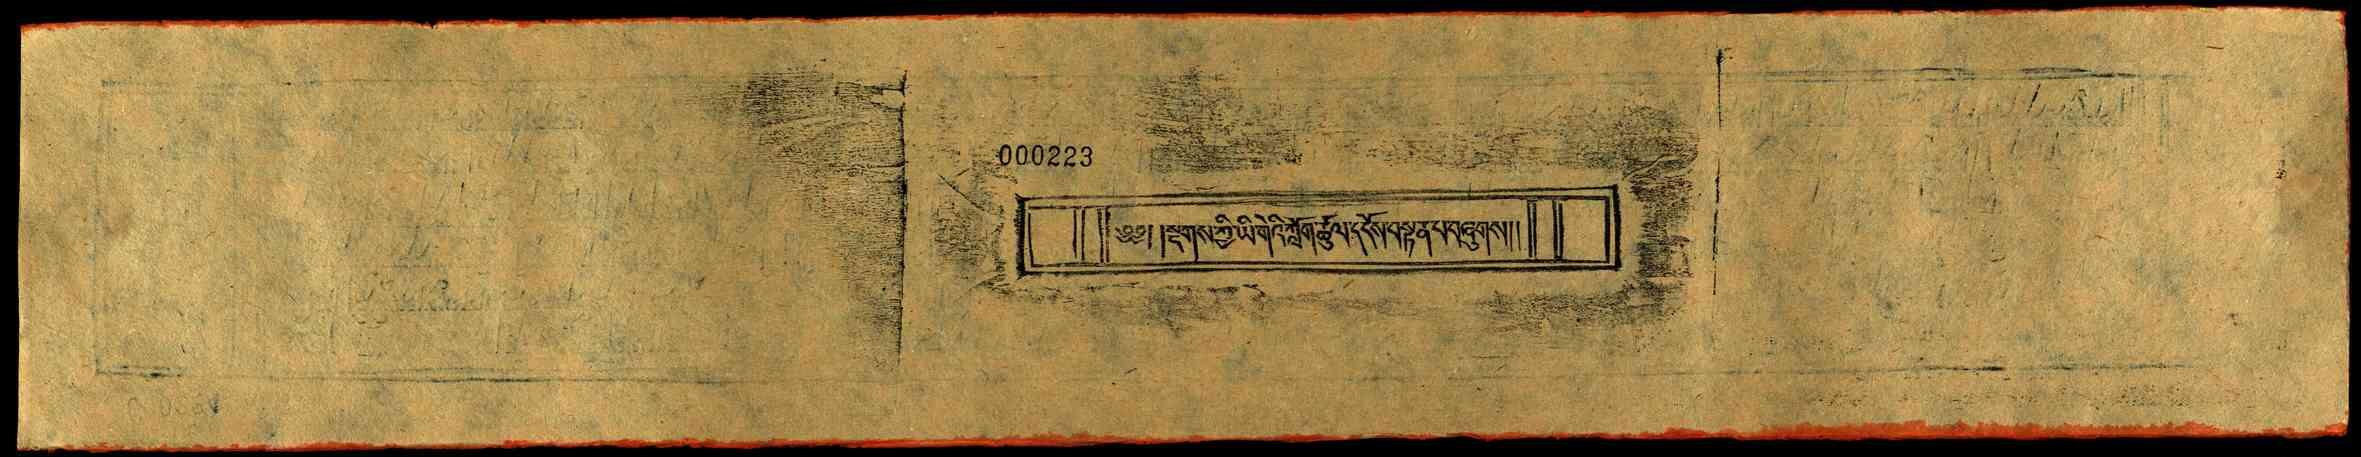༄༅། །སྔགས་ཀྱི་ཡི་གེའི་ཀློག་ཚུལ་དངོས་བསྟན་པ་བཞུགས།།